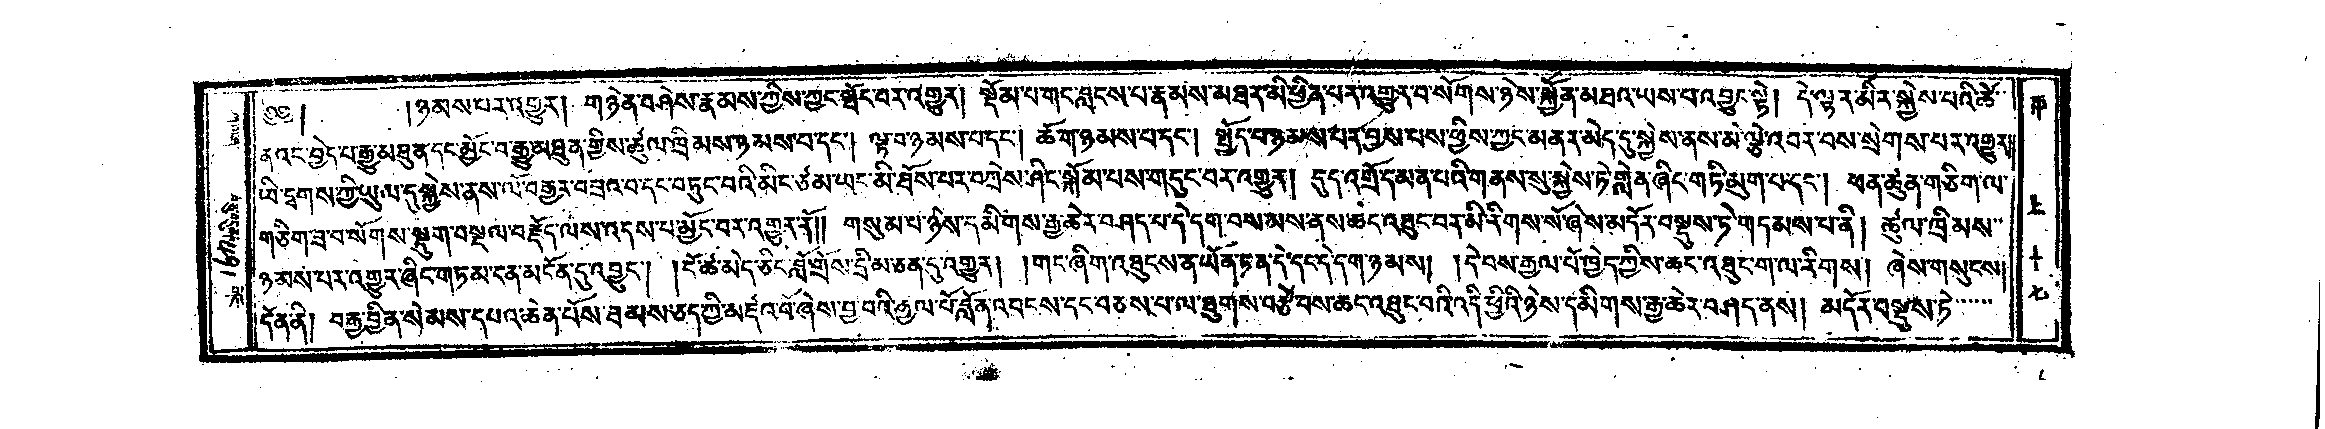༄༅། །ཉམས་པར་འགྱུར། གཉེན་བཤེས་རྣམས་ཀྱིས་ཀྱང་སྤོང་བར་འགྱུར། སྡོམ་པ་གང་བླངས་པ་རྣམས་མཐར་མི་ཕྱིན་པར་འགྱུར་བ་སོགས་ཉེས་སྐྱོན་མཐའ་ཡས་པ་འབྱུང་སྟེ། དེ་ལྟར་མིར་སྐྱེས་པའི་ཚེ་
ནའང་བྱེད་པ་རྒྱུ་མཐུན་དང་མྱོང་བ་རྒྱུ་མཐུན་གྱིས་ཚུལ་ཁྲིམས་ཉམས་པ་དང་། ལྟ་བ་ཉམས་པ་དང་། ཆོ་ག་ཉམས་པ་དང་། སྤྱོད་པ་ཉམས་པར་བྱས་པས་ཕྱིས་ཀྱང་མནར་མེད་དུ་སྐྱེས་ནས་མེ་ལྕེ་འབར་བས་སྲེགས་པར་འགྱུར།
ཡི་དྭགས་ཀྱི་ཡུལ་དུ་སྐྱེས་ནས་ལོ་བརྒྱར་བཟའ་བ་དང་བཏུང་བའི་མིང་ཙམ་ཡང་མི་ཐོས་པར་བཀྲེས་ཤིང་སྐོམ་པས་གདུང་བར་འགྱུར། དུད་འགྲོ་དམན་པའི་གནས་སུ་སྐྱེས་ཏེ་གླེན་ཞིང་གཏི་མུག་པ་དང་། ཕན་ཚུན་གཅིག་ལ་
གཅིག་ཟ་བ་སོགས་སྡུག་བསྔལ་བརྗོད་ལས་འདས་པ་མྱོང་བར་འགྱུར་རོ།། གསུམ་པ་ཉེས་དམིགས་རྒྱ་ཆེར་བཤད་པ་དེ་དག་བསམས་ནས་ཆང་འཐུང་བར་མི་རིགས་སོ་ཞེས་མདོར་བསྡུས་ཏེ་གདམས་པ་ནི། ཚུལ་ཁྲིམས་
ཉམས་པར་འགྱུར་ཞིང་གཏམ་ངན་མངོན་དུ་འབྱུང་། །ངོ་ཚ་མེད་ཅིང་བློ་གྲོས་དྲི་མ་ཅན་དུ་འགྱུར། །གང་ཞིག་འཐུངས་ན་ཡོན་ཏན་དེ་དང་དེ་དག་ཉམས། །དེ་བས་རྒྱལ་པོ་ཁྱེད་ཀྱིས་ཆང་འཐུང་ག་ལ་རིགས། ཞེས་གསུངས།
དོན་ནི། བརྒྱ་བྱིན་སེམས་དཔའ་ཆེན་པོས་ཐམས་ཅད་ཀྱི་མཛའ་བོ་ཞེས་བྱ་བའི་རྒྱལ་པོ་བློན་འབངས་དང་བཅས་པ་ལ་ཐུགས་བརྩེ་བས་ཆང་འཐུང་བའི་འདི་ཕྱིའི་ཉེས་དམིགས་རྒྱ་ཆེར་བཤད་ནས། མདོར་བསྡུས་ཏེ་